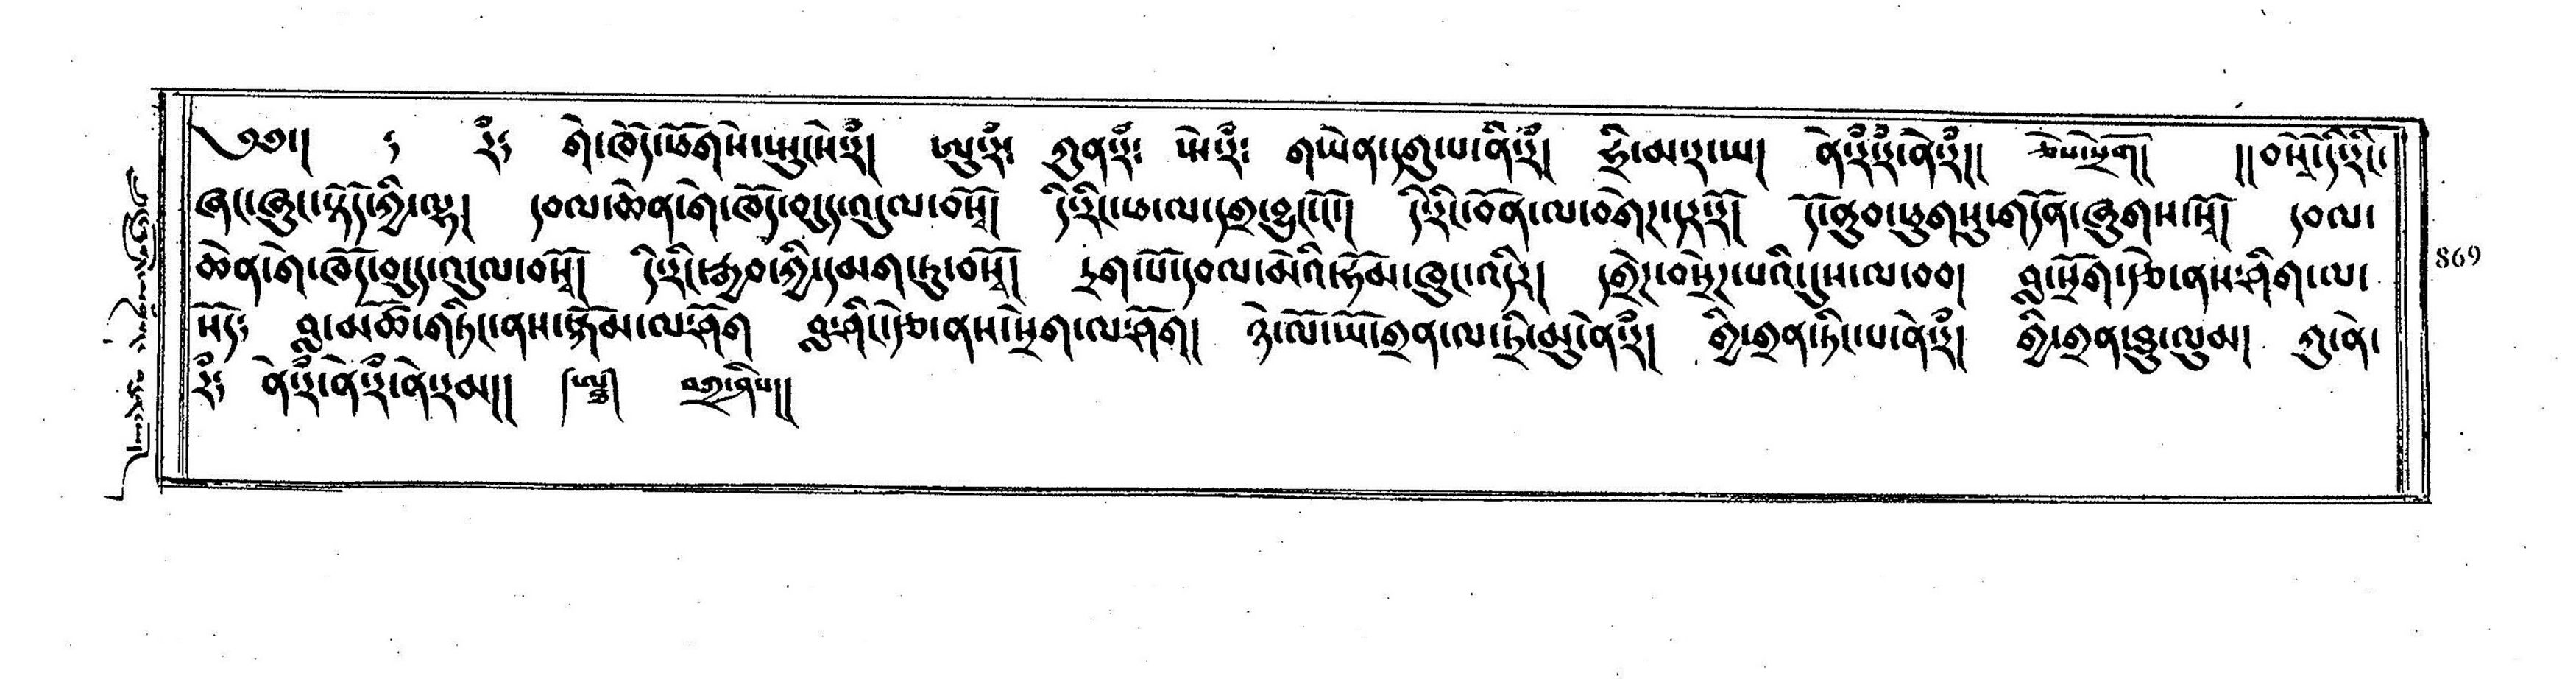རཾ། གེ་ཁོད་ཕོགསེ་སྤུངསེ་རཾ། ཨུ་རཾ༴ ཀུན་རཾ༴ སྤེ་རཾ༴ གཡེན་དགུ་པ་ནི་རཾ། ཧྲི་མ་ར་ཡ། ནེ་རཾ་རཾ་ནེ་རཾ།། ཅེས་སྲེག་གོ །།བསྭོ་དི་རིང་
ཞང་ཞུང་སྟོད་ཀྱི་ལྷ། དབལ་ཆེན་གེ་ཁོད་བདུད་འདུལ་བསྭོ། དི་རིང་ཕ་ལ་དགྲ་བྱུང་ངོ་། དི་རིང་བོན་ལ་བགེགས་དར་རོ། དོ་ནུབ་ཕུགས་སུ་གདོན་ཞུགས་སྭོ། དབལ་
ཆེན་གེ་ཁོད་བདུད་འདུལ་བསྭོ། དི་རིང་རྒྱབ་ཀྱི་དམག་ཏུ་བསྭོ། དྲག་པོ་དབལ་མེའི་ཧོམ་ཁུང་འདིར། དགྲ་བགེགས་བསྲེགས་པའི་དུས་ལ་བབ། བླ་སྲོག་རྩེ་ནས་ཤིག་ལ་
སོད། བླ་མཚོ་གཏིང་ནས་སྐོམ་ལ་ཤོག བླ་ཤིང་རྩེ་ནས་སྲེག་ལ་ཤོག ཉེ་ལོ་ཡོ་གྲན་ལ་ཏྲི་མུ་ནེ་རཾ། གྱི་གྲན་ཏིང་པ་ནེ་རཾ། གྱི་གྲན་ཐུ་ལུམ། ཀུ་ནེ་
རཾ། ནེ་རཾ་ནེ་རཾ་ནེ་རམ།། ཨྠིྀ བཀྲ་ཤིས།།